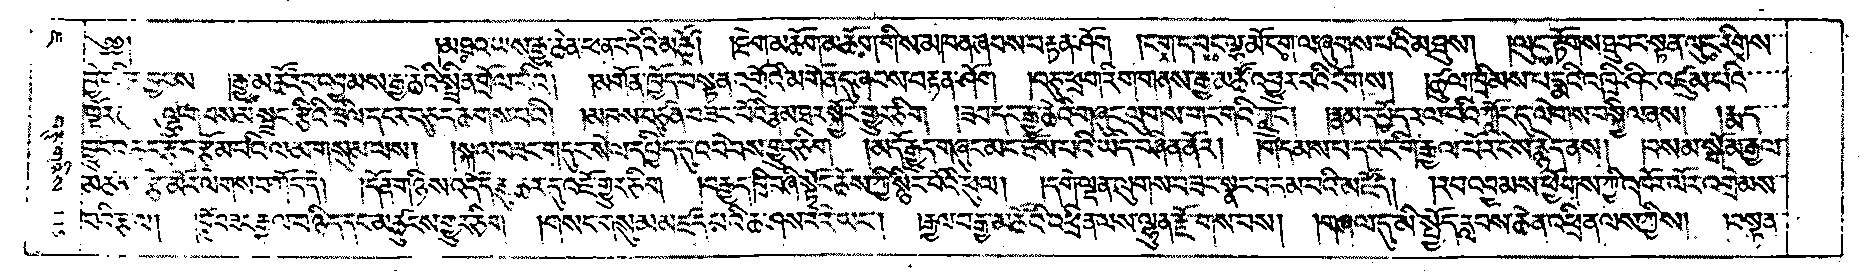༄༅། །མཐའ྾་ཡས་རྒྱ་྾་ཆེན་ཕན་བདེའི་མཚོ྾། །ཐེག་མཆོག྾་མཆོག྾་གིས་མཁན་ཞབས་བརྟན་ཤོག །ངག་྾་དབང་྾྾་ལྷ་མོ་ངག྾་ལ་ཞུགས་པའི་མཐུས། །ལུང་྾྾་རྟོགས་ཐུབ་བསྟན་ལུང྾་རིགས་྾་
བྱེ་བའི་དབྱངས། །རྒྱ་྾྾་མཚོར་རབ་འབྱམས་རྒྱ་ཆེའི་སྤྲིན་གྲོལ་བའི། །མགོན་ཁྱོད་བསྟན་འགྲོའི་མགོན་དུ་ཞབས་བརྟན་ཤོག །བཅུ་ཕྲག་རིག་གནས་རྒྱ་མཚོ་འཕུར་བའི་ངོགས། །ཚུལ་ཁྲིམས་པདམའི་འཁྲི་ཤིང་འཛུམ་པའི་
ལྟོར། །ལྷག་བསམ་སྦྲང་རྩིའི་ཟིལ་དང་ར་བཅུད་ཆགས་པའི། །མཁས་བཙུན་བཟང་པོའི་རྣམ་ཐར་སྐྱོང་གྱུར་ཅིག །ཟབ་དང་རྒྱ་ཆེའི་གཞུང་ལུགས་གང་གའི་ཀླུང་། །རྣམ་དཔྱོད་རལ་པའི་ཀློང་དུ་ལེགས་བསྐྱིལ་ནས། །རྨད་
བྱུང་འཆད་རྩོད་རྩོམ་པའི་ལམ་གསུམ་ལས། །སྐལ་བཟང་གདུང་སེལ་དཔྱིད་དུ་འབེབས་གྱུར་ཅིག །མདོ་རྒྱུད་གཞུང་མང་ཐོས་པའི་ཡིད་བཞིན་ནོར། །གདམས་པ་དབང་གི་རྒྱལ་པོར་ངེས་རྙེད་ནས། །བསམ་སྒོམ་རྒྱལ་
མཚན་རྩེ་མོར་ལེགས་བཀོད་དེ། །དོན་གཉིས་འདོད་རྒུ་ཆར་དུ་འཇོ་གྱུར་ཅིག །བརྒྱད་ཁྲི་བཞི་སྟོང་ཆོས་ཀྱི་སྙིང་པོའི་ཕུལ། །དགེ་ལྡན་ལུགས་བཟང་སྣང་བ་དམ་པའི་མཛོད། །རབ་འབྱམས་ཕྱོགས་ཀྱི་འཁོར་ལོར་འགྲེམས་
པའི་རྩ་ལ། །བློ་བཟང་རྒྱལ་བ་ཉིད་དང་མཚུངས་གྱུར་ཅིག །གསང་གསུམ་མཛད་པའི་ཆ་ཤས་རེ་རེ་ཡང་། །རྒྱལ་བ་རྒྱ་མཚོའི་འཕྲིན་ལས་ལྷུན་རྫོགས་པས། །གཞལ་དུ་མི་སྤྱོད་རླབས་ཆེན་འཕྲིན་ལས་ཀྱིས། །བསྟན་